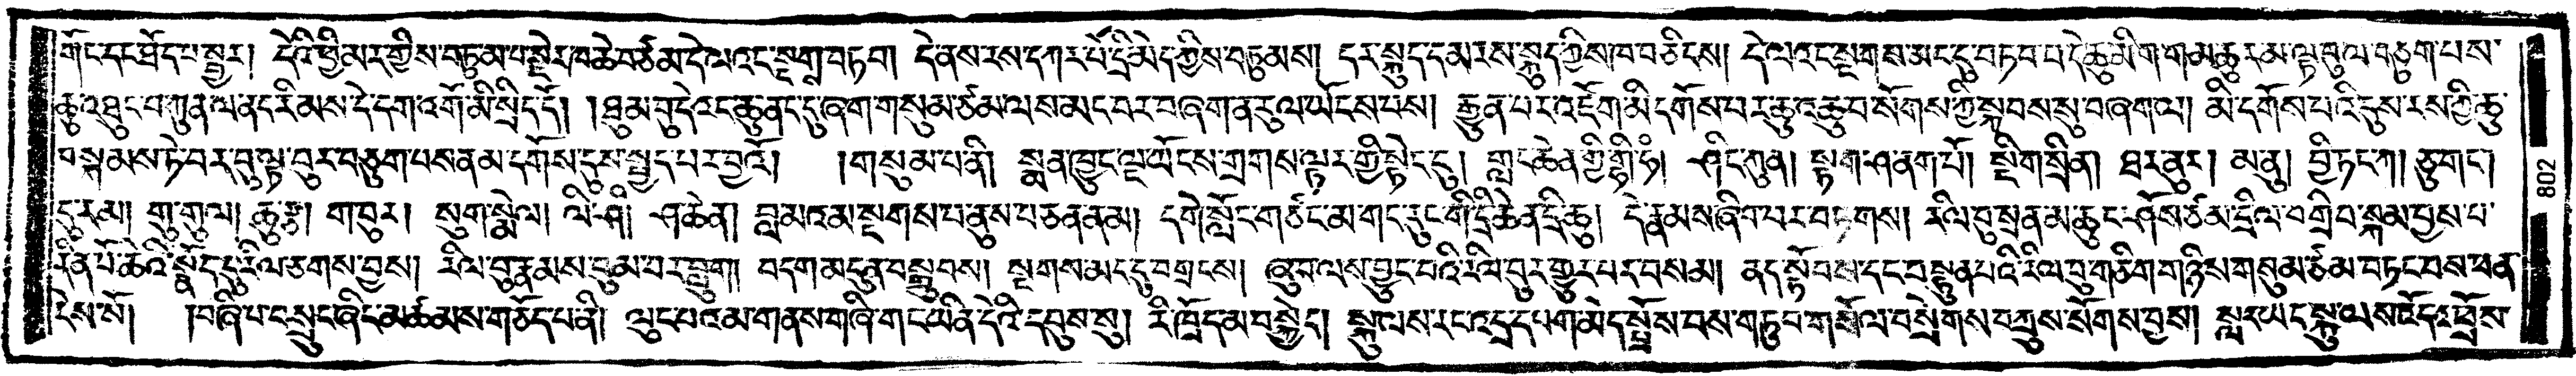གོང་དང་ཐོད་པ་སྦྱར། དེའི་ཕྱི་མར་གྱིས་བཏུམ་བསྔེར་ཁ་ཆེ་བ་ཙམ་དེ་ལའང་སྔགས་བཏབ། དེ་ནས་རས་དཀར་པོ་དྲི་མེད་ཀྱིས་བཏུམས། དར་སྐུད་དམར་ས་སྐུད་ཀྱིས་ཁ་བཅིངས། དེ་ལའང་སྔགས་མང་དུ་བཏབ་པ་དེ་ཆུ་མིག་གམ་ཆུ་རམ་ལྟ་བུ་ལ་བཅུག་པས་
ཆུ་འཐུང་བ་ཀུན་ལ་ནང་རིམས་དེ་དགའ་གོ་མི་སྲིད་དོ། །ཐུམ་བུ་དེའང་ཆུ་ནང་དུ་ཞག་གསུམ་ཙམ་ལས་མང་བར་བཞག་ན་རུལ་ཡོངས་པས། རྒྱུན་པར་འཇོག་མི་དགོས་པར་ཆུ་འཆུ་བ་སོགས་ཀྱི་སྐབས་སུ་བཞག་ལ། མི་དགོས་པའི་དུས་རས་ཀྱི་ཆུ་
བསྐམས་ཏེ་བར་བུ་ལྟ་བུར་བཅུག་པས་ནམ་དགོས་དུས་སྤྱད་པར་བྱའོ། །གསུམ་པ་ནི། སྨན་ཁྱུང་ལྔ་ཡོངས་གྲགས་ལྟར་གྱི་སྟེང་དུ། གླང་ཆེན་གྱི་གྷི་ཧཾ། ཤིང་ཀུན། སྟག་ཤ་ནག་པོ། སྡིག་སྲིན། ཐར་ནུར། མ་ནུ། བྱི་ཏང་ཀ། ཅུ་གང་།
བུ་རམ། གུ་གུལ། ཆུ་རྩ། ག་བུར། སུག་སྨེལ། ལི་ཤི། ཤ་ཆེན། བླ་མའམ་སྔགས་བ་ནུས་པ་ཅན་ནམ། དགེ་སློང་གཙང་མ་གང་རུང་གི་དྲི་ཆེན་དྲི་ཆུ། དེ་རྣམས་ཞིབ་པར་བཏགས། རིལ་བུ་སྲན་མ་ཆུང་ཤོས་ཙམ་དྲིལ་བགྲིབ་སྐམ་བྱས་པ་
རིན་པོ་ཆེའི་སྣོད་དུ་རིལ་ཅགས་བྱས། རིལ་བུ་རྣམས་བུམ་པར་བླུག། བདག་མདུན་བསྒྲུབས། སྔགས་མང་དུ་བགྲངས། ཞུ་བ་ལས་བྱུང་བའི་རིལ་བུར་གྱུར་པར་བསམ། ནད་སྟོབས་དང་བསྟུན་པའི་རིལ་བུ་གཅིག་གཉིས་གསུམ་ཙམ་བཏང་བས་ཕན་
ངེས་སོ། །བཞི་པ་བསྲུང་ཞིང་མཚམས་གཅོད་པ་ནི། ལུང་པའམ་གནས་གཞི་གང་ཡིན་དེའི་དབུས་སུ། རི་ཁྲོད་མ་བསྐྱེད། སྐུ་ལས་རང་འདྲ་དཔག་མེད་སྤྲོས་བས་གཏུབ་གསོལ་བསྲེགས་བཀྲུས་སོགས་བྱས། སླར་ཡང་སྐུ་ལས་འོད་འཕྲོས་